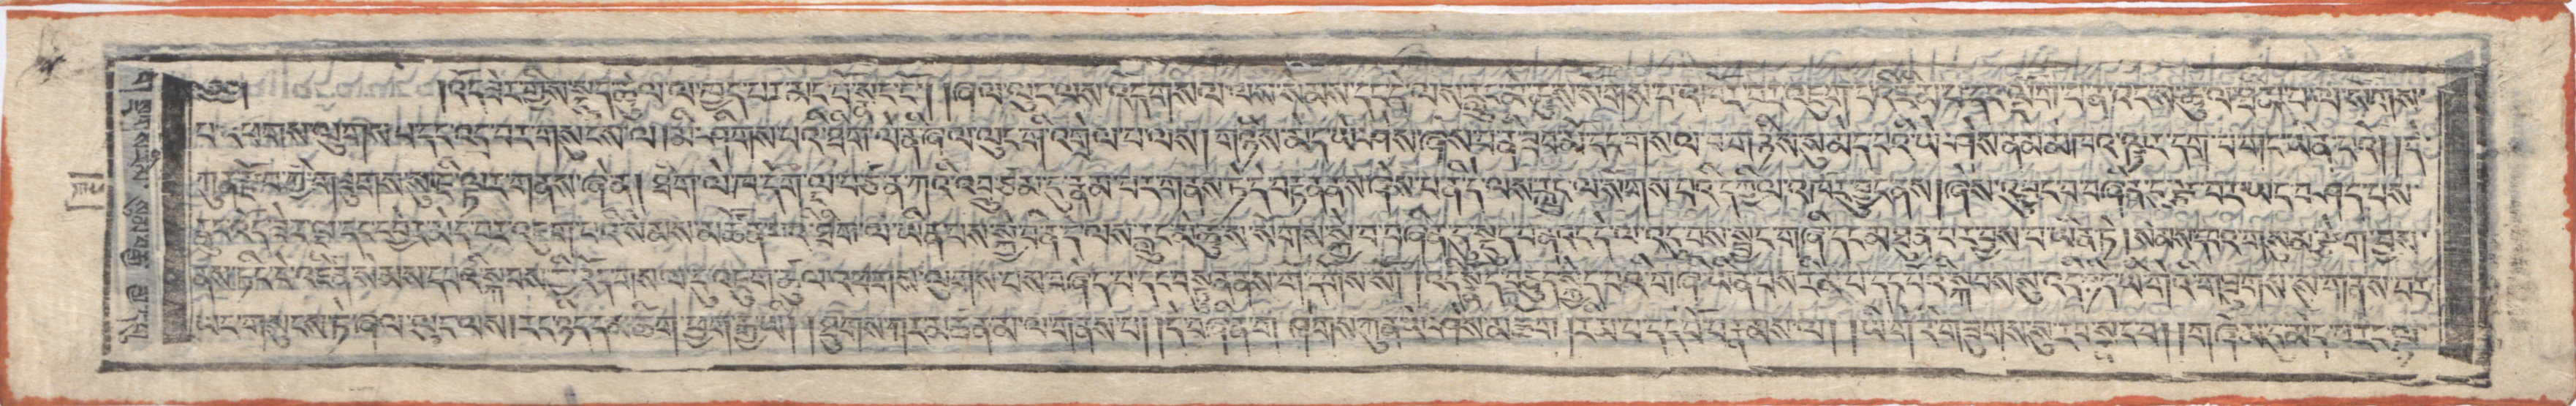༄༅། །འོད་ཟེར་གྱིས་སྡུད་ཚུལ་ལ་ཁྱད་པར་མང་པོ་སྣང་ངོ། །ཞལ་ལུང་ལས་འོད་གསལ་ལས་སེམས་དང་དེ་ལས་རླུང་མེ་ཆུ་ས་སོགས་པ་འཁོར་བར་འཇུག་པའི་རིམ་པ་དང་ལྡོག་པ་ན་འང་ས་ཆུ་ལ་ཐིམ་པ་ལ་སོགས་
པ་འཕགས་ལུགས་པ་དང་འདྲ་བར་གསུངས་ལ། མི་ཤིགས་པའི་ཐིག་ལེ་ནི་ཞལ་ལུང་གི་འགྲེལ་པ་ལས། གཉིས་མེད་ཡེ་ཤེས་ཞེས་པ་ནི་ཟབ་མོ་དང་གསལ་བ་གཉིས་སུ་མེད་པའི་ཡེ་ཤེས་ནམ་མཁའ་ལྟར་དག་པ་གང་ཡིན་པའོ། །དེ་
ཀུན་རྫོབ་ཀྱི་གཟུགས་སུ་ཇི་ལྟར་གནས་ཞེ་ན། ཐིག་ལེ་ཁ་དོག་ལྔ་པ་ཙ་ན་ཀའི་འབྲུ་ཙམ་དུ་རྣམ་པར་གནས་ཏེ་དེ་བརྟན་ནས་ཞེས་པ་ནི་དེ་ལས་རླུང་ལ་སོགས་པའི་དཀྱིལ་འཁོར་བྱུང་ནས། ཞེས་འབྱུང་བ་བཞིན་དུ་རྩ་བར་ཡང་བཤད་པས་
རླུང་འོད་ཟེར་ལྔ་དང་དབྱེར་མེད་པར་འཇུག་པའི་སེམས་མཚོན་པའི་ཐིག་ལ་ཡིན་པས་སྐྱེ་བ་ནི་དེ་ལས་རླུང་མེ་ཆུ་ས་སོགས་སྐྱེ་བ་བཞིན་དུ་སྡུད་པ་ནའང་དེ་ལ་འདུ་བས་སྦྱང་གཞི་དང་མཐུན་པར་བྱས་པ་ཡིན་ཏེ། སེམས་དཔའ་གསུམ་རྩེག་བྱས་
ནས་ཏིང་ངེ་འཛིན་སེམས་དཔའི་སྐབས་ཀྱི་འོད་གསལ་དུ་འཇུག་ཚུལ་འཕགས་ལུགས་པས་བཞེད་པ་དང་བསྟུན་ནས་གོ་དགོས་སོ། འདི་སྣོད་བཅུད་སྐྱེད་པའི་གཞི་ཡིན་པས་རིམ་པ་དང་པོའི་སྐབས་སུ་འདི་ཉིད་ཡི་གེའི་གཟུགས་སུ་གནས་པར་
ཡང་གསུངས་ཏེ་ཞལ་ལུང་ལས། རང་ཉིད་དམ་ཚིག་ཕྱག་རྒྱ་ཡི། །ཐུགས་ཀར་མཚན་མ་ལ་གནས་པ། །དེ་བཞིན་གཤེགས་ཀུན་ཡེ་ཤེས་མཆོག །རིམ་པ་དང་པོ་བ་རྣམས་ལ། །ཡི་གེའི་གཟུགས་སུ་རབ་སྣང་བ། །གཞོམ་དུ་མེད་པ་རང་ལྷ་